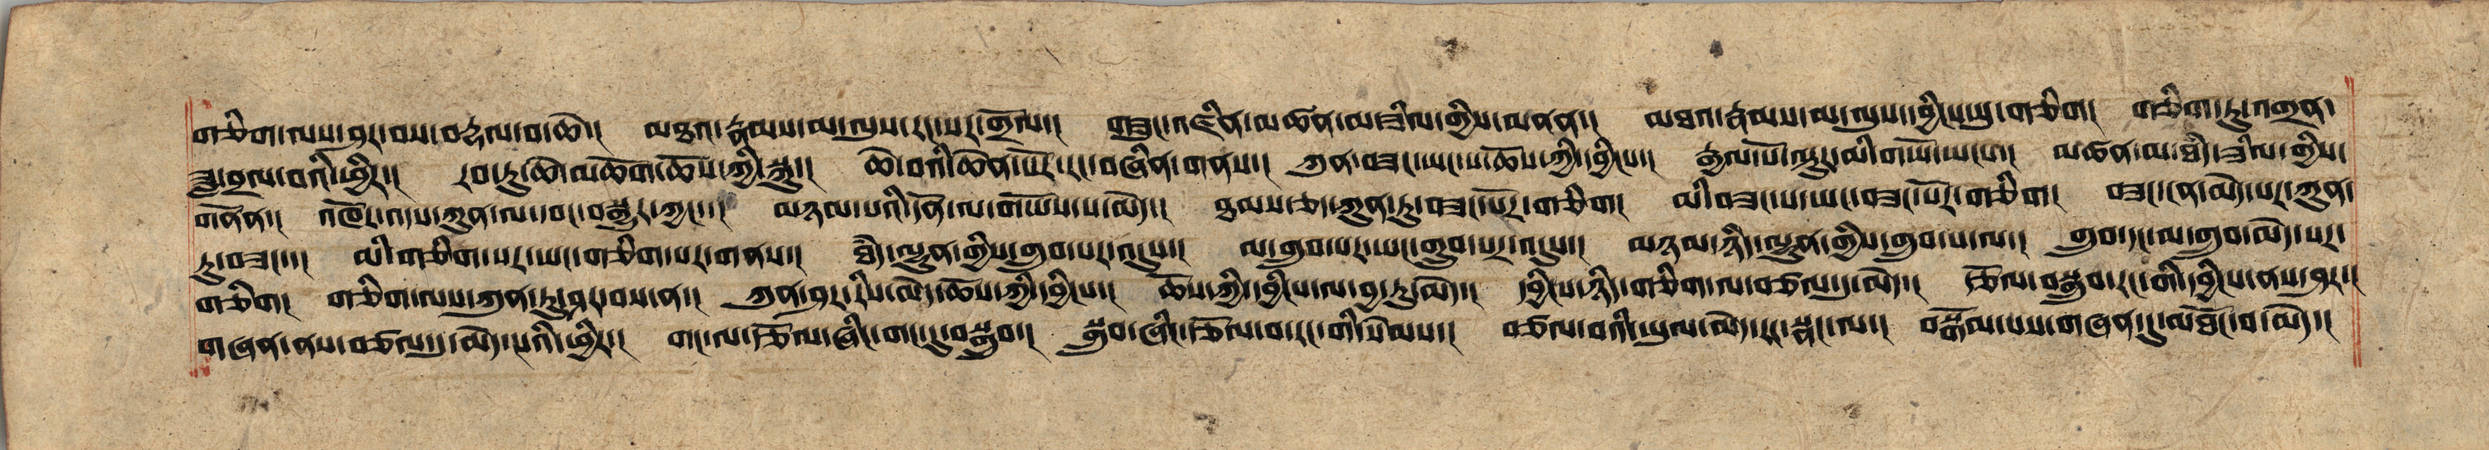གཅིག་ལས་ཤར་བས་བརྡལ་བ་ཆེ་། མཐའ་རྣམས་མ་ལུས་རང་སར་གྲོལ་། གཟུང་འཛིན་མཚན་མ་ཟིལ་གྱིས་མནན་། མཐའ་རྣམས་མ་ལུས་དབྱིངས་སུ་གཅིག། གཅིག་ཏུ་འགྲན་
ཟླ་བྲལ་བའི་ཕྱིར་། རབ་ཏུ་ཆེ་མཆོག་ཆོས་ཀྱི་སྐུ་། ཆེ་བའི་ཆེན་པོར་རང་བཞིན་གནས་། ཀུན་བཟང་ཡང་པ་ཆོས་ཀྱི་དབྱིངས་། རྒྱལ་པོ་ལྟུར་མི་གཡོ་ཡངས་། མཚན་མ་ཐཾད་ཟིལ་གྱིས་
གནོན་། འཁོར་འདས་ཀུན་ལ་དབང་བསྒྱུར་ཀྱང་་། མཉམ་པའི་དོན་ལ་གཡོས་པ་མེད་། ཐམས་ཅད་ཀུན་ཏུ་བཟང་པོར་གཅིག། མི་བཟང་ས་ཡང་བཟང་པོར་གཅིག། བཟང་ངན་མེད་པར་ཀུན་
ཏུ་བཟང་་། མི་གཅིག་སར་ཡང་གཅིག་པར་གནས་། ཐཾད་ལྷུན་གྱིས་གྲུབ་པར་འདུས་། མ་གྲུབ་པར་ཡང་གྲུབ་པར་འདུས་། མཉམ་ཉིད་ལྷུན་གྱིས་གྲུབ་པ་ལ་། གྲུབ་དང་མ་གྲུབ་མེད་པར་
གཅིག། གཅིག་ལས་ཀུན་ཏུ་ཤར་བས་ན་། ཀུན་ཤར་རིས་མེད་ཆོས་ཀྱི་དབྱིངས་། ཆོས་ཀྱི་དབྱིངས་ལ་བྱ་རུ་མེད་། དབྱིངས་ཉིད་གཅིག་ལ་བཙལ་དུ་མེད་། རྩོལ་བསྒྲུབ་རང་གི་དབྱིངས་ནས་ཤར་།
གཞན་ནས་བཙལ་དུ་མེད་པའི་ཕྱིར་། གང་ལ་རྩོལ་ཞིང་གང་དུ་བསྒྲུབ་། སྒྲུབ་ཞིང་རྩོལ་བ་རང་གི་སེམས་། བཙལ་བའི་ཡུལ་མེད་རང་སྣང་ལ་། བསྒོམ་པས་གཞན་དུ་མཐོང་བ་མེད་།